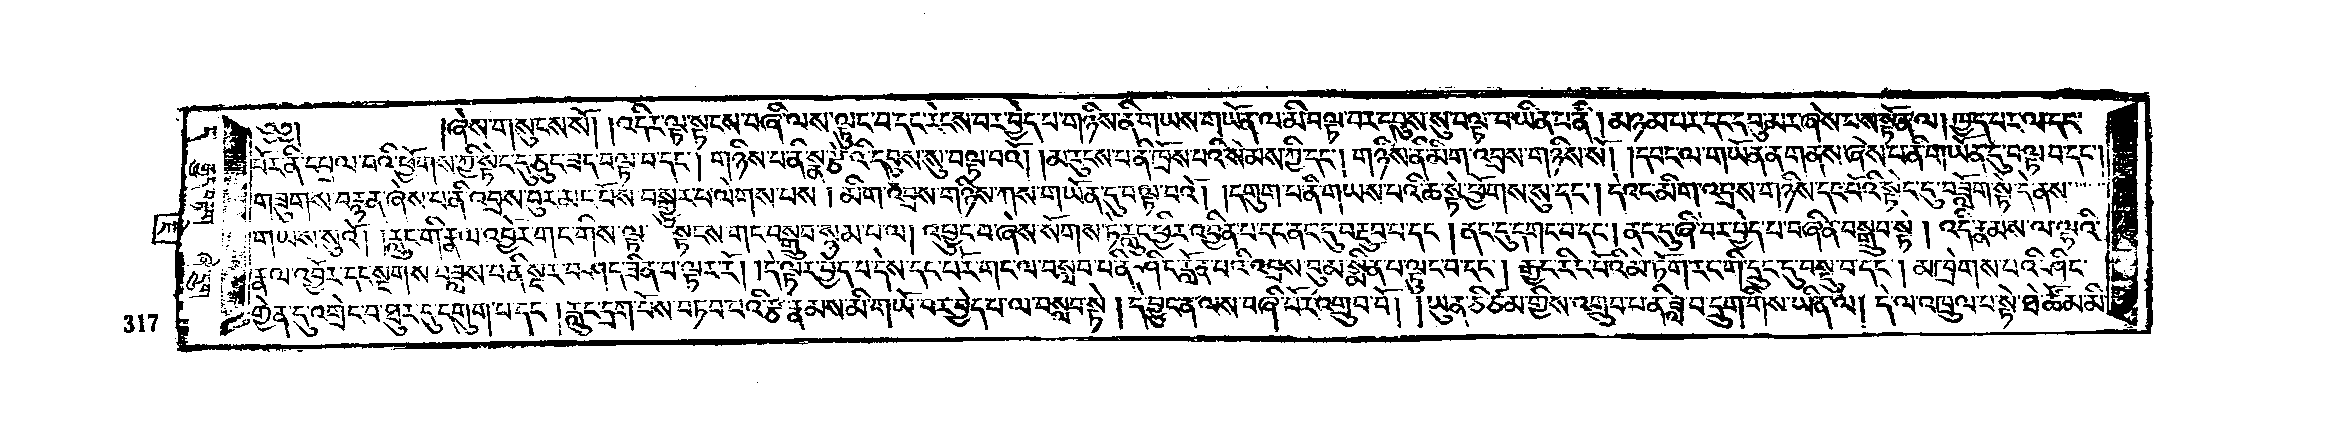༄༅། །ཞེས་གསུངས་སོ། །འདིར་ལྟ་སྟངས་བཞི་ལས་ལྟུང་བ་དང་རེངས་པར་བྱེད་པ་གཉིས་ནི་གཡས་གཡོན་ལ་མི་བལྟ་བར་དབུས་སུ་བལྟ་བ་ཡིན་པ་ནི། མཉམ་པར་དང་དབུ་མར་ཞེས་པས་སྟོན་ལ། ཁྱད་པར་ལ་དང་
པོར་ནི་དཔྲལ་བའི་ཕྱོགས་ཀྱི་སྟེང་དུ་ཅུང་ཟད་བལྟ་བ་དང་། གཉིས་པ་ནི་སྣ་རྩེའི་དབུས་སུ་བལྟ་བའོ། །མ་རུངས་པ་ནི་ཁྲོས་པའི་སེམས་ཀྱི་དང་། གཉིས་ནི་མིག་འབྲས་གཉིས་སོ། །དབང་ལ་གཡོན་ན་གནས་ཞེས་པ་ནི་གཡོན་དུ་བལྟ་བ་དང་།
གཟུགས་བརྙན་ཞེས་པ་ནི་འབྲས་བུར་མང་པོས་བསྒྱུར་བ་ལེགས་པས། མིག་འབྲས་གཉིས་ཀས་གཡོན་དུ་བལྟ་བའོ། །དགུག་པ་ནི་གཡས་པའི་ཆ་སྟེ་ཕྱོགས་སུ་དང་། དེའང་མིག་འབྲས་གཉིས་དང་པོའི་སྟེང་དུ་བཟློག་སྟེ་དེ་ནས་
གཡས་སུའོ། །རླུང་གི་རྣལ་འབྱོར་གང་གིས་ལྟ་སྟངས་གང་བསྒྲུབ་སྙམ་པ་ལ། འབྱུང་བ་ཞེས་སོགས་ཏེ་རླུང་ཕྱིར་འབྱིན་པ་དང་ནང་དུ་བརྡུབ་པ་དང་། ནང་དུ་དགང་བ་དང་། ནང་དུ་ཞི་བར་བྱེད་པ་བཞིན་བསྒྲུབ་སྟེ། འདི་རྣམས་ལ་ལྷའི་
རྣལ་འབྱོར་དང་སྔགས་བཟླས་པ་ནི་སྔར་བཤད་ཟིན་པ་ལྟར་རོ། །དེ་ལྟར་བྱེད་པ་དེས་དང་པོར་གང་ལ་བསླབ་པ་ནི་ཤིང་རློན་པའི་འབྲས་བུ་མ་སྨིན་པ་ལྟུང་བ་དང་། རྒྱང་རིང་པོའི་མེ་ཏོག་རང་གི་དྲུང་དུ་བསྡུ་བ་དང་། མཁྲེགས་པའི་ཤིང་
གྱེན་དུ་འགྲེང་བ་ཐུར་དུ་དགུག་པ་དང་། རླུང་དྲག་པོས་བཏབ་པའི་རྩ་རྣམས་མི་གཡོ་བར་བྱེད་པ་ལ་བསླབ་སྟེ། དེ་བྱུང་ན་ལས་བཞི་བོར་འགྲུབ་པོ། །ཡུན་ཅི་ཙམ་གྱིས་འགྲུབ་པ་ནི་ཟླ་བ་དྲུག་གིས་ཡིན་ལ། དེ་ལ་འཁྲུལ་བ་སྟེ་ཐེ་ཚོམ་མི་